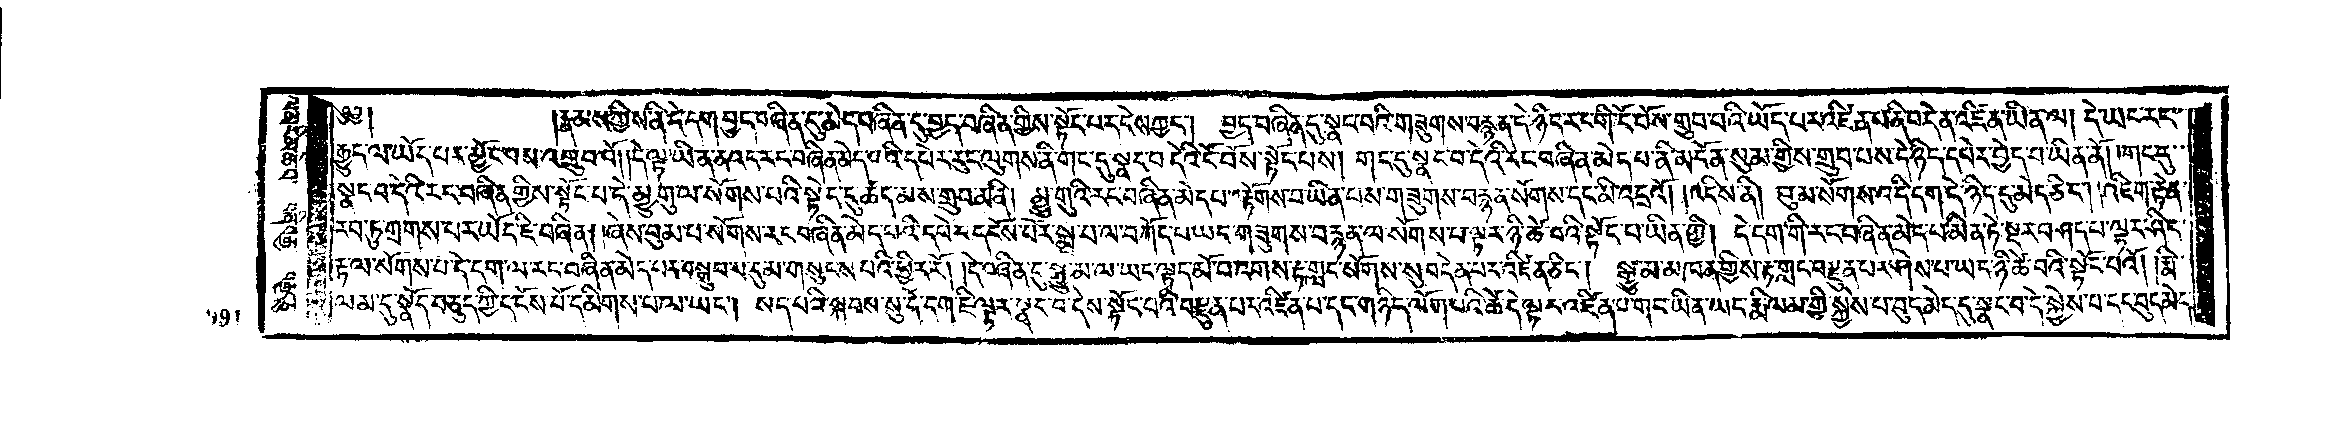༄༅། །རྣམས་ཀྱིས་ནི་དེ་དག་བྱད་བཞིན་དུ་མེད་བཞིན་དུ་བྱད་བཞིན་གྱིས་སྟོང་པར་ངེས་ཀྱང་། བྱད་བཞིན་དུ་སྣང་བའི་གཟུགས་བརྙན་དེ་ཉིད་རང་གི་ངོ་བོས་གྲུབ་པའི་ཡོད་པར་འཛིན་པ་ནི་བདེན་འཛིན་ཡིན་ལ། དེ་ཡང་རང་
རྒྱུད་ལ་ཡོད་པར་མྱོང་བས་འགྲུབ་པོ། །དེ་ལྟ་ཡིན་ནའང་རང་བཞིན་མེད་པའི་དཔེར་རུང་ལུགས་ནི་གང་དུ་སྣང་བ་དེའི་ངོ་བོས་སྟོང་པས། གང་དུ་སྣང་བ་དེའི་རང་བཞིན་མེད་པ་ནི་མངོན་སུམ་གྱིས་གྲུབ་པས་དེ་ཉིད་དཔེར་བྱེད་པ་ཡིན་ནོ། །གང་དུ་
སྣང་བ་དེའི་རང་བཞིན་གྱིས་སྟོང་པ་དེ་མྱུ་གུ་ལ་སོགས་པའི་སྟེང་དུ་ཚད་མས་གྲུབ་ན་ནི། མྱུ་གུའི་རང་བཞིན་མེད་པ་རྟོགས་པ་ཡིན་པས་གཟུགས་བརྙན་སོགས་དང་མི་འདྲའོ། །འདིས་ནི། བུམ་སོགས་འདི་དག་དེ་ཉིད་དུ་མེད་ཅིང་། །འཇིག་རྟེན་
རབ་ཏུ་གྲགས་པར་ཡོད་ཇི་བཞིན། །ཞེས་བུམ་པ་སོགས་རང་བཞིན་མེད་པའི་དཔེར་དངོས་པོར་སྨྲ་བ་ལ་བཀོད་པ་ཡང་གཟུགས་བརྙན་ལ་སོགས་པ་ལྟར་ཉི་ཚེ་བའི་སྟོང་པ་ཡིན་གྱི། དེ་དག་གི་རང་བཞིན་མེད་པ་མིན་ཏེ་སྔར་བཤད་པ་ལྟར་ཤིང་
རྟ་ལ་སོགས་པ་དེ་དག་ལ་རང་བཞིན་མེད་པར་བསྒྲུབ་པ་དུ་མ་གསུངས་པའི་ཕྱིར་རོ། །དེ་བཞིན་དུ་སྒྱུ་མ་ལ་ཡང་ལྟད་མོ་བ་འགས་རྟ་གླང་སོགས་སུ་བདེན་པར་འཛིན་ཅིང་། སྒྱུ་མ་མཁན་གྱིས་རྟ་གླང་བརྫུན་པར་ཤེས་པ་ཡང་ཉི་ཚེ་བའི་སྟོང་པའོ། །རྨི་
ལམ་དུ་སྣོད་བཅུད་ཀྱི་དངོས་པོ་དམིགས་པ་ལ་ཡང་། སད་པའི་སྐབས་སུ་དེ་དག་ཇི་ལྟར་སྣང་བ་དེས་སྟོང་པའི་བརྫུན་པར་འཛིན་པ་དང་གཉིད་ལོག་པའི་ཚེ་དེ་ལྟར་འཛིན་པ་གང་ཡིན་ཡང་རྨི་ལམ་གྱི་སྐྱེས་པ་བུད་མེད་དུ་སྣང་བ་དེ་སྐྱེས་པ་དང་བུད་མེད་